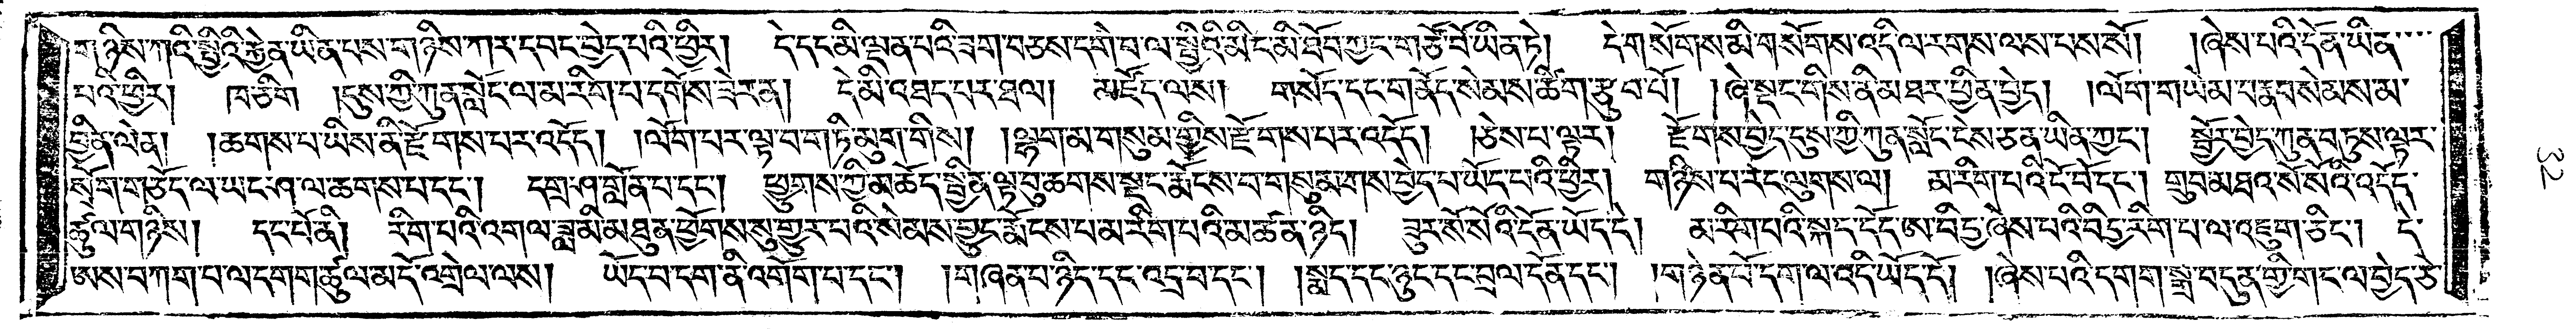གཉིས་ཀའི་སྤྱིའི་རྐྱེན་ཡིན་པས་གཉིས་ཀར་དབང་བྱེད་པའི་ཕྱིར། དེ་དང་མི་ལྡན་པའི་ཟག་བཅས་དགེ་བ་ལ་སྤྱིའི་མིང་མི་ཐོབ་ཀྱང་གཙོ་བོ་ཡིན་ཏེ། དེ་གསོགས་མི་གསོགས་འདི་ལ་རགས་ལས་པས་སོ། །ཞེས་པའི་དོན་ཡིན་
པའི་ཕྱིར། ཁ་ཅིག །དུས་ཀྱི་ཀུན་སློང་ལ་མ་རིག་པ་དགོས་ཟེར་ན། དེ་མི་འཐད་པར་ཐལ། མཛོད་ལས། གསོད་དང་གནོད་སེམས་ཚིག་རྩུབ་པོ། །ཞེ་སྡང་གིས་ནི་མཐར་ཕྱིན་བྱེད། །ལོག་གཡེམ་བརྣབ་སེམས་མ་
བྱིན་ལེན། །ཆགས་པ་ཡིས་ནི་རྫོགས་པར་འདོད། །ལོག་པར་ལྟ་བ་གཏི་མུག་གིས། །ལྷག་མ་གསུམ་གྱིས་རྫོགས་པར་འདོད། །ཅེས་པ་ལྟར། རྫོགས་བྱེད་དུས་ཀྱི་ཀུན་སློང་ངེས་ཅན་ཡིན་ཀྱང་། སྦྱོར་བྱེད་ཀུན་བཏུས་ལྟར་
སྲོག་གཅོད་ལ་ཡང་ཤ་ལ་ཆགས་པ་དང་། དགྲ་ཤ་གློན་པ་དང་། ཕྱུགས་ཀྱི་མཆོད་སྦྱིན་ལྟ་བུ་ཆགས་སྡང་རྨོངས་པ་གསུམ་གས་བྱེད་པ་ཡོད་པའི་ཕྱིར། གཉིས་པ་རང་ལུགས་ལ། མ་རིག་པའི་ངོ་བོ་དང་། གྲུབ་མཐའ་སོ་སོའི་འདོད་
ཚུལ་གཉིས། དང་པོ་ནི། རིག་པའི་འགལ་ཟླ་མི་མཐུན་ཕྱོགས་སུ་གྱུར་པའི་སེམས་བྱུང་རྨོངས་པ་མ་རིགས་པའི་མཚན་ཉིད། ཟུར་སོ་སོའི་དོན་ཡོད་དེ། མ་རིག་པའི་སྐད་དོད་ཨ་བིདྱ་ཞེས་པའི་བིདྱ་རིག་པ་ལ་འཇུག་ཅིང་། དེ་
ཨས་བགག་པ་ལ་དགག་ཚུལ་མདོ་འགྲེལ་ལས། ཡོད་པ་དག་ནི་འགོག་པ་དང་། །གཞན་པ་ཉིད་དང་འདྲ་བ་དང་། །སྨད་དང་ཉུང་དང་བྲལ་དོན་དང་། །གཉེན་པོ་དག་ལ་འདི་ཡོད་དོ། །ཞེས་པའི་དགག་སྒྲ་བདུན་གྱི་གང་ལ་བྱེད་ཅེ་